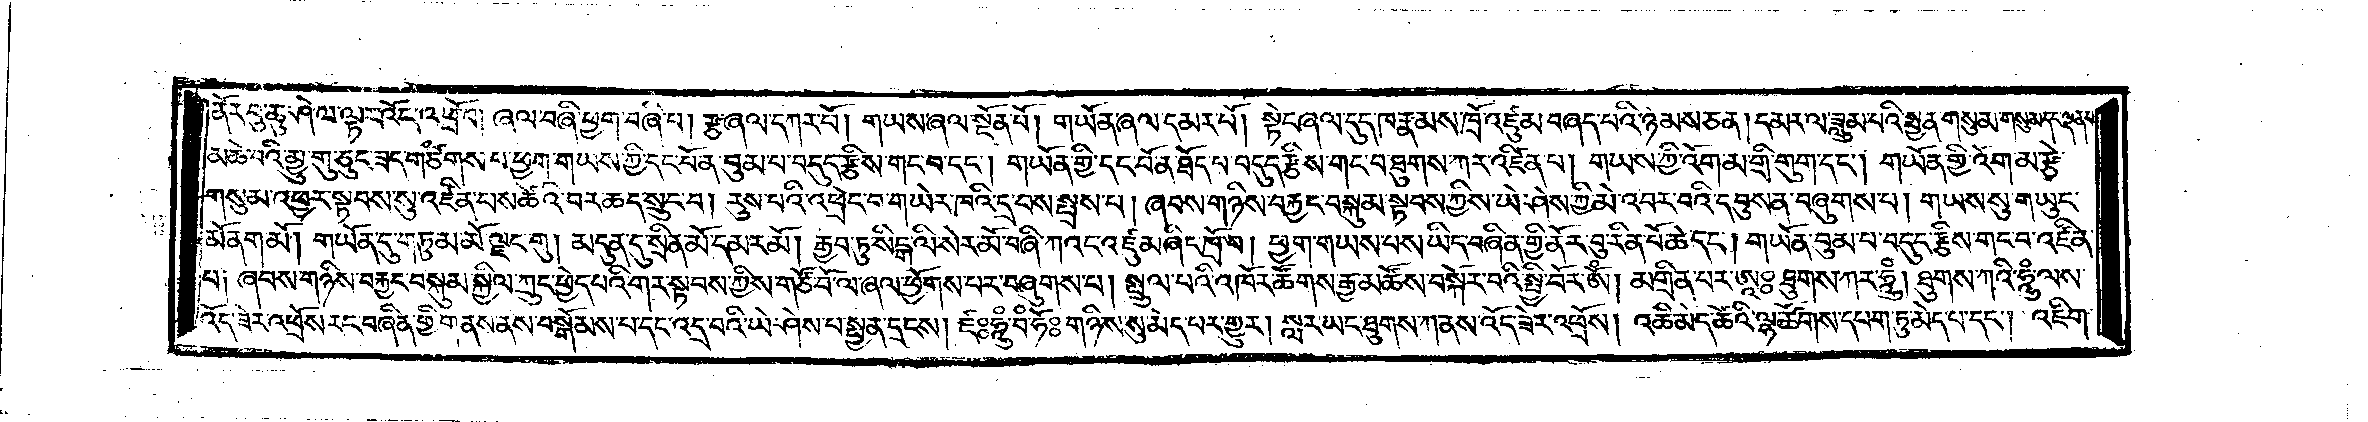ནོར་བུ་ཆུ་ཤེལ་ལྟར་འོད་འཕྲོག་བ། ཞལ་བཞི་ཕྱག་བཞི་པ། རྩ་ཞལ་དཀར་པོ། གཡས་ཞལ་སྔོན་པོ། གཡོན་ཞལ་དམར་པོ། སྟེང་ཞལ་དུད་ཁ་རྣམས་ཁྲོ་འཛུམ་བཞད་པའི་ཉམས་ཅན། དམར་ལ་ཟླུམ་པའི་སྤྱན་གསུམ་གསུམ་དང་ལྡན་པ་
མཆེ་བའི་མྱུ་གུ་ཅུང་ཟད་གཙིགས་པ་ཕྱག་གཡས་ཀྱི་དང་པོ་ན་བུམ་པ་བདུད་རྩིས་གང་བ་དང་། གཡོན་གྱི་དབང་པོ་ན་ཐོད་པ་བདུད་རྩིས་གང་བ་ཐུགས་ཀར་འཛིན་པ། གཡས་ཀྱི་འོག་མ་གྲི་གུག་དང་། གཡོན་གྱི་འོག་མ་རྩེ་
གསུམ་འཕྱར་སྟབས་སུ་འཛིན་པས་ཚེའི་བར་ཆད་སྲུང་བ། རུས་པའི་འཕྲེང་བ་གཡེར་ཁའི་དྲ་བས་སྤྲལ་བ། ཞབས་གཉིས་བརྐྱང་བསྐུམ་སྟབས་ཀྱིས་ཡེ་ཤེས་ཀྱི་མེ་འབར་བའི་དབུས་ན་བཞུགས་པ། གཡས་སུ་གཡུང་
མོ་ནག་མོ། གཡོན་དུ་གཏུམ་མོ་ལྗང་གུ། མདུན་དུ་སྲིན་མོ་དམར་མོ། རྒྱབ་ཏུ་སིངྒེ་ལི་སེར་མོ་བཞི་ཀའང་འཛུམ་ཞིང་ཁྲོ་བ། ཕྱག་གཡས་པས་ཡིད་བཞིན་གྱི་ནོར་བུ་རིན་པོ་ཆེ་དང་། གཡོན་བུམ་པ་བདུད་རྩིས་གང་བ་འཛིན་
བ༑ ཞབས་གཉིས་བརྐྱང་བསྐུལ་སྐྱིལ་ཀྲུང་ཕྱེད་པའི་གར་སྟ་བམ་ཀྱིས་གཙོ་བོ་ལ་ཞལ་ཕྱོགས་པར་བཞུགས་པ། སྤྲུལ་པའི་འཁོར་ཚོགས་རྒྱ་མཚོས་བསྐོར་བའི་སྤྱི་བོར་ཨོཾ། མགྲིན་པར་ཨཱཿཐུགས་ཀར་ཧཱུཾ། ཐུགས་ཀའི་ཧཱུཾ་ལས་
འོད་ཟེར་འཕྲོས་རང་བཞིན་གྱི་གནས་ནས་བསྒོམས་པ་དང་འདྲ་བའི་ཡེ་ཤེས་པ་སྤྱན་དྲངས། ཛཿ ཧཱུཾ་བཾ་ཧོཿ གཉིས་སུ་མེད་པར་གྱུར། སླར་ཡང་ཐུགས་ཀ་ནས་འོད་ཟེར་འཕྲོས། འཆི་མེད་ཚོའི་ལྷ་ཚོགས་དཔག་ཏུ་མེད་པ་དང་། འཇིག་